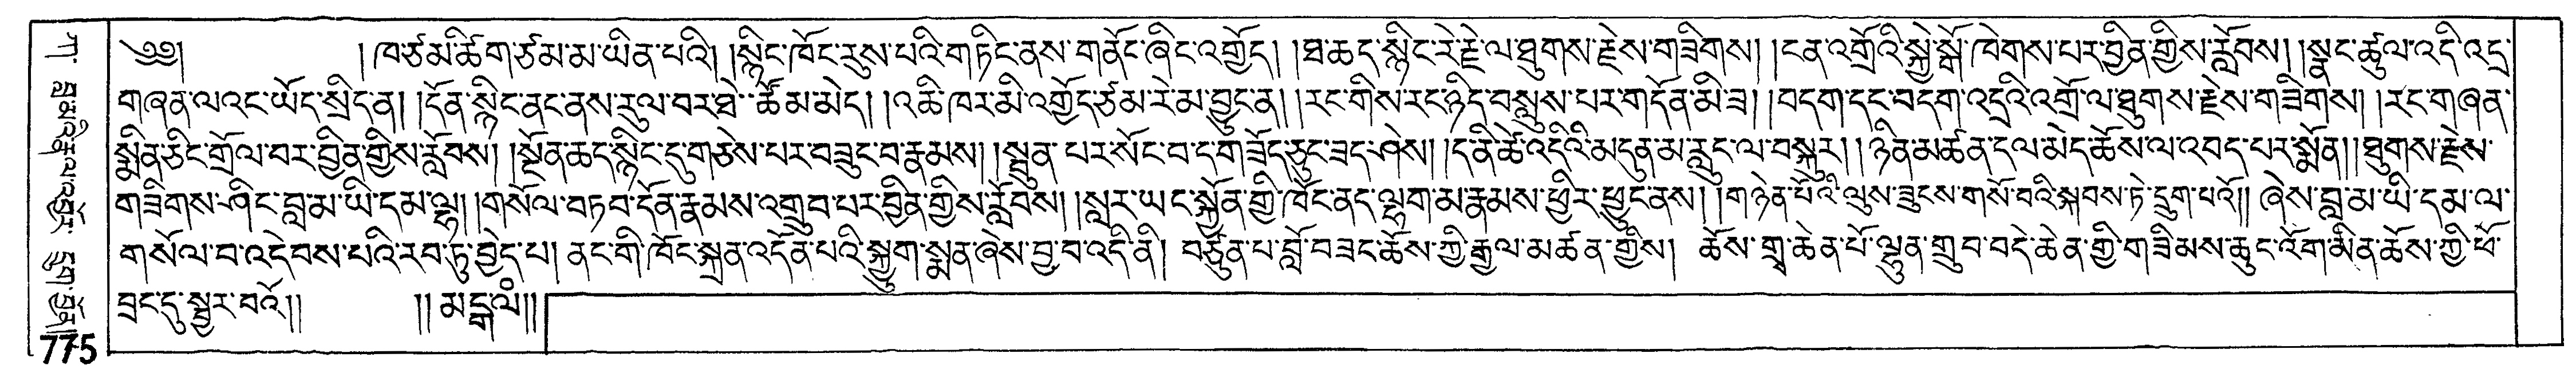༄༅། །ཁ་ཙམ་ཚིག་ཙམ་མ་ཡིན་པའི། །སྙིང་ཁོང་རུས་པའི་གཏིང་ནས་གནོང་ཞིང་འགྱོད། །ཐ་ཆད་སྙིང་རེ་རྗེ་ལ་ཐུགས་རྗེས་གཟིགས། །ངན་འགྲོའི་སྐྱེ་སྒོ་ཁེགས་པར་བྱིན་གྱིས་རློབས། །སྣང་ཚུལ་འདི་འདྲ་
གཞན་ལའང་ཡོད་སྲིད་ན། །དོན་སྙིང་ནང་ནས་རུལ་བར་ཐེ་ཚོམ་མེད། །འཆི་ཁར་མི་འགྱོད་ཙམ་རེ་མ་བྱུང་ན། །རང་གིས་རང་ཉིད་བསླུས་པར་གདོན་མི་ཟ། །བདག་དང་བདག་འདྲའི་འགྲོ་ལ་ཐུགས་རྗེས་གཟིགས། །རང་གཞན་
སྨིན་ཅིང་གྲོལ་བར་བྱིན་གྱིས་རློབས། །སྔོན་ཆད་སྙིང་དུ་གཅེས་པར་བཟུང་བ་རྣམས། །སྦུན་པར་སོང་བ་ད་གཟོད་ཅུང་ཟད་ཤེས། །ད་ནི་ཚེ་འདིའི་མདུན་མ་རླུང་ལ་བསྐུར། །ཉིན་མཚན་དལ་མེད་ཆོས་ལ་འབད་པར་སྨོན། །ཐུགས་རྗེས་
གཟིགས་ཤིང་བླ་མ་ཡི་དམ་ལྷ། །གསོལ་བཏབ་དོན་རྣམས་འགྲུབ་པར་བྱིན་གྱིས་རློབས། །སླར་ཡང་སྐྱོན་གྱི་ཁོང་ནད་ལྷག་མ་རྣམས་ཕྱིར་ཕྱུང་ནས། །གཉེན་པོའི་ལུས་ཟུངས་གསོ་བའི་སྐབས་ཏེ་དྲུག་པའོ།།  ཞེས་བླ་མ་ཡི་དམ་ལ་
གསོལ་བ་འདེབས་པའི་རབ་ཏུ་བྱེད་པ། ནང་གི་ཁོང་སྐྲན་འདོན་པའི་སྐྱུག་སྨན་ཞེས་བྱ་བ་འདི་ནི། བཙུན་པ་བློ་བཟང་ཆོས་ཀྱི་རྒྱལ་མཚན་གྱིས། ཆོས་གྲྭ་ཆེན་པོ་ལྷུན་གྲུབ་བདེ་ཆེན་གྱི་གཟིམས་ཆུང་འོག་མིན་ཆོས་ཀྱི་ཕོ་
བྲང་དུ་སྦྱར་བའོ།། །།མངྒ་ལཾ།།